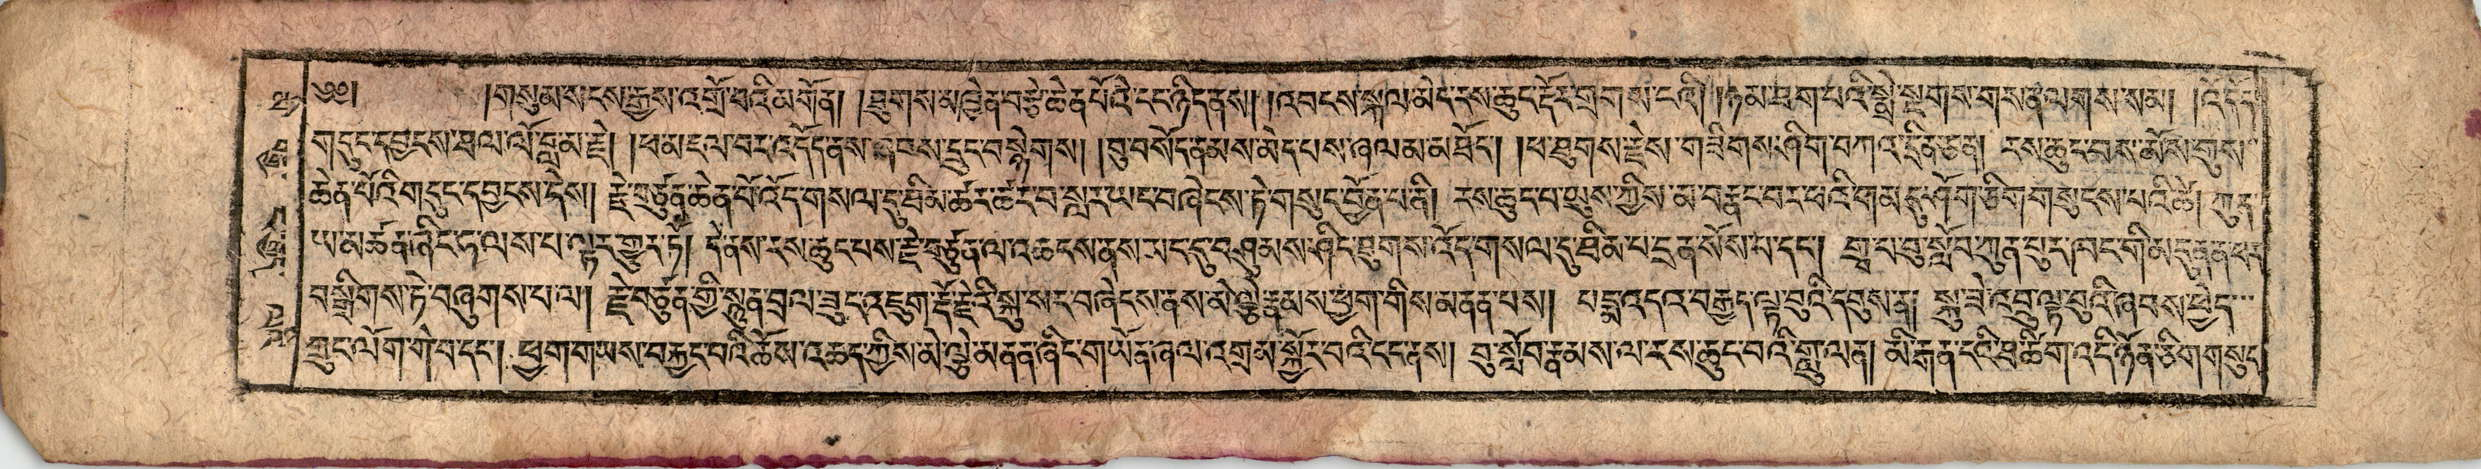གསུམ་སངས་རྒྱས་འགྲོ་བའི་མགོན། །ཐུགས་མཁྱེན་བརྩེ་ཆེན་པོའི་ངང་ཉིད་ནས། །འབངས་སྐལ་མེད་རས་ཆུང་རྡོར་གྲགས་ངའི། །ཉམ་ཐག་པའི་སྨྲེ་སྔགས་གསན་ལགས་སམ། །འདོད་
གདུང་དབྱངས་ཐལ་ལོ་བླ་མ་རྗེ། །ཕ་མཇལ་བར་འདོད་ནས་ཞབས་དྲུང་བསྙེགས། །བུ་བསོད་དམས་མེད་པས་ཞལ་མ་མཐོང་། །ཕ་ཐུགས་རྗེས་གཟིགས་ཤིག་བཀའ་དྲིན་ཅན། རས་ཆུང་བས་མོས་གུས་
ཆེན་པོའི་གདུང་དབྱངས་དེས། རྗེ་བཙུན་ཆེན་པོ་འོད་གསལ་དུ་ཐིམ་ཚར་ཚར་བ་སླར་ཡང་བཞེངས་ཏེ་གསུང་བྱོན་པ་ནི། རས་ཆུང་པ་ཡུས་ཀྱིས་མ་བརྣང་བར་ཕའི་གམ་དུ་ཤོག་ཅིག་གསུངས་པའི་ཚེ། ཀུན་
ཡ་མཚན་ཤིང་ཧ་ལས་པ་ལྟར་གྱུར་ཏེ། དེ་ནས་རས་ཆུང་པས་རྗེ་བཙུན་ལ་འཆངས་ནས་ཡང་དུ་བཤུམས་ཤིང་ཐུགས་འོད་གསལ་དུ་ཐིམ་པ་དྲན་སོས་པ་དང་། གྲྭ་པ་བུ་སློབ་ཀུན་པུར་ཁང་གི་མདུན་དུ་ཕར་
བསྒྲིགས་ཏེ་བཞུགས་པ་ལ། རྗེ་བཙུན་གྱིས་སྙུན་བྲལ་ཟུང་འཇུག་རྡོ་རྗེའི་སྐུ་སར་བཞེངས་ནས་མེ་ལྕེ་རྣམས་ཕྱག་གིས་མནན་པས། པདྨ་འདབ་བརྒྱད་ལྟ་བུའི་དབུས་ན། སྐུ་ཟེ་འབྲུ་ལྟ་བུའི་ཞབས་ཕྱེད་
ཀྲུང་ལོག་གེ་བ་དང་། ཕྱག་གཡས་བརྐྱང་བའི་ཆོས་འཆད་ཀྱིས་མེ་ལྕེ་མནན་ཞིང་གཡོན་ཞལ་འགྲམ་སྐྱོར་བའི་ངང་ནས། བུ་སློབ་རྣམས་ལ་རས་ཆུང་བའི་གླུ་ལན། མི་རྒན་ངའི་ཐ་ཚིག་འདི་ཉོན་ཅིག་གསུང་།